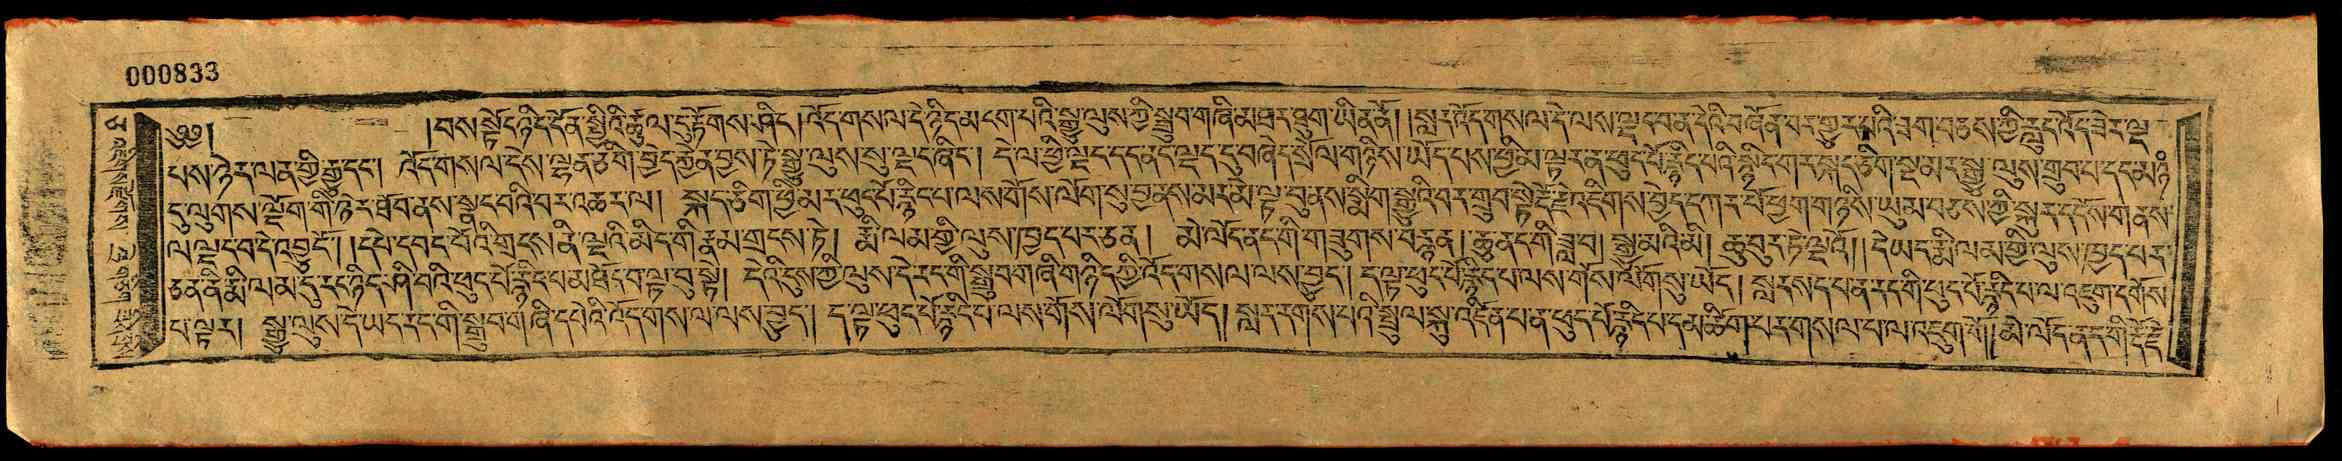༄༅། །བས་སྟོང་ཉིད་དོན་སྤྱིའི་ཚུལ་དུ་རྟོགས་ཤིང་། འོད་གསལ་དེ་ཉིད་མ་དག་པའི་སྒྱུ་ལུས་ཀྱི་སྒྲུབ་གཞི་མཐར་ཐུག་ཡིན་ནོ། །སླར་འོད་གསལ་དེ་ལས་ལྡང་བ་ན་དེའི་བཞོན་པར་གྱུར་པའི་ཟག་བཅས་ཀྱི་རླུང་འོད་ཟེར་ལྔ་
པས་ཉེར་ལེན་གྱི་རྒྱུ་དང་། འོད་གསལ་དེས་ལྷན་ཅིག་བྱེད་རྐྱེན་བྱས་ཏེ་སྒྱུ་ལུས་སུ་ལྡང་ཞིང་། དེ་ལ་ཕྱི་ལྡང་དང་ནང་ལྡང་དུ་བཞེད་སྲོལ་གཉིས་ཡོད་པས་ཕྱི་མ་ལྟར་ན་ཕུང་པོ་རྙིང་པའི་སྙིང་གར་སྐད་ཅིག་སྔ་མར་སྒྱུ་ལུས་གྲུབ་པ་དང་མཉམ་
དུ་ལུགས་ལྡོག་གི་ཉེར་ཐོབ་ནས་སྣང་བའི་བར་འཆར་ལ། སྐད་ཅིག་ཕྱི་མར་ཕུང་པོ་རྙིང་པ་ལས་གོ་ས་ལོགས་སུ་བྱེ་ནས་མར་མེ་ལྟ་བུ་ནས་སྨིག་སྒྱུའི་བར་གྲུབ་སྟེ་རྡོ་རྗེ་འཇིགས་བྱེད་དཀར་པོ་ཕྱག་གཉིས་ཡུམ་བཅས་ཀྱི་སྐུར་དངོས་གནས་
ལ་ལྡང་བ་དེ་འབྱུང་ངོ། །དཔེ་དབང་པོའི་གྲངས་ནི་ལྔའི་མིང་གི་རྣམ་གྲངས་ཏེ། རྨི་ལམ་གྱི་ལུས་ཁྱད་པར་ཅན། མེ་ལོང་ནང་གི་གཟུགས་བརྙན། ཆུ་ནང་གི་ཟླ་བ། སྒྱུ་མའི་མི། ཆུ་བུར་ཏེ་ལྔའོ། །དེ་ཡང་རྨི་ལམ་གྱི་ལུས་ཁྱད་པར་
ཅན་ནི་རྨི་ལམ་དུ་རང་ཉིད་ཤི་བའི་ཕུང་པོ་རྙིང་པ་མཐོང་བ་ལྟ་བུ་སྟེ། དེའི་དུས་ཀྱི་ལུས་དེ་རང་གི་སྒྲུབ་གཞི་གཉིད་ཀྱི་འོད་གསལ་ལས་བྱུང་། ད་ལྟ་ཕུང་པོ་རྙིང་པ་ལས་གོ་ས་ལོགས་སུ་ཡོད། སླར་སད་པ་ན་རང་གི་ཕུང་པོ་རྙིང་པ་ལ་འཇུག་དགོས་
པ་ལྟར། སྒྱུ་ལུས་དེ་ཡང་རང་གི་སྒྲུབ་གཞི་དཔེའི་འོད་གསལ་ལས་བྱུང་། ད་ལྟ་ཕུང་པོ་རྙིང་པ་ལས་གོ་ས་ལོགས་སུ་ཡོད། སླར་རགས་པའི་སྤྲུལ་སྐུ་འཛིན་པ་ན་ཕུང་པོ་རྙིང་པ་དམ་ཚིག་པར་གསལ་བ་ལ་འཇུག་གོ །མེ་ལོང་ནང་གི་རྡོ་རྗེ་